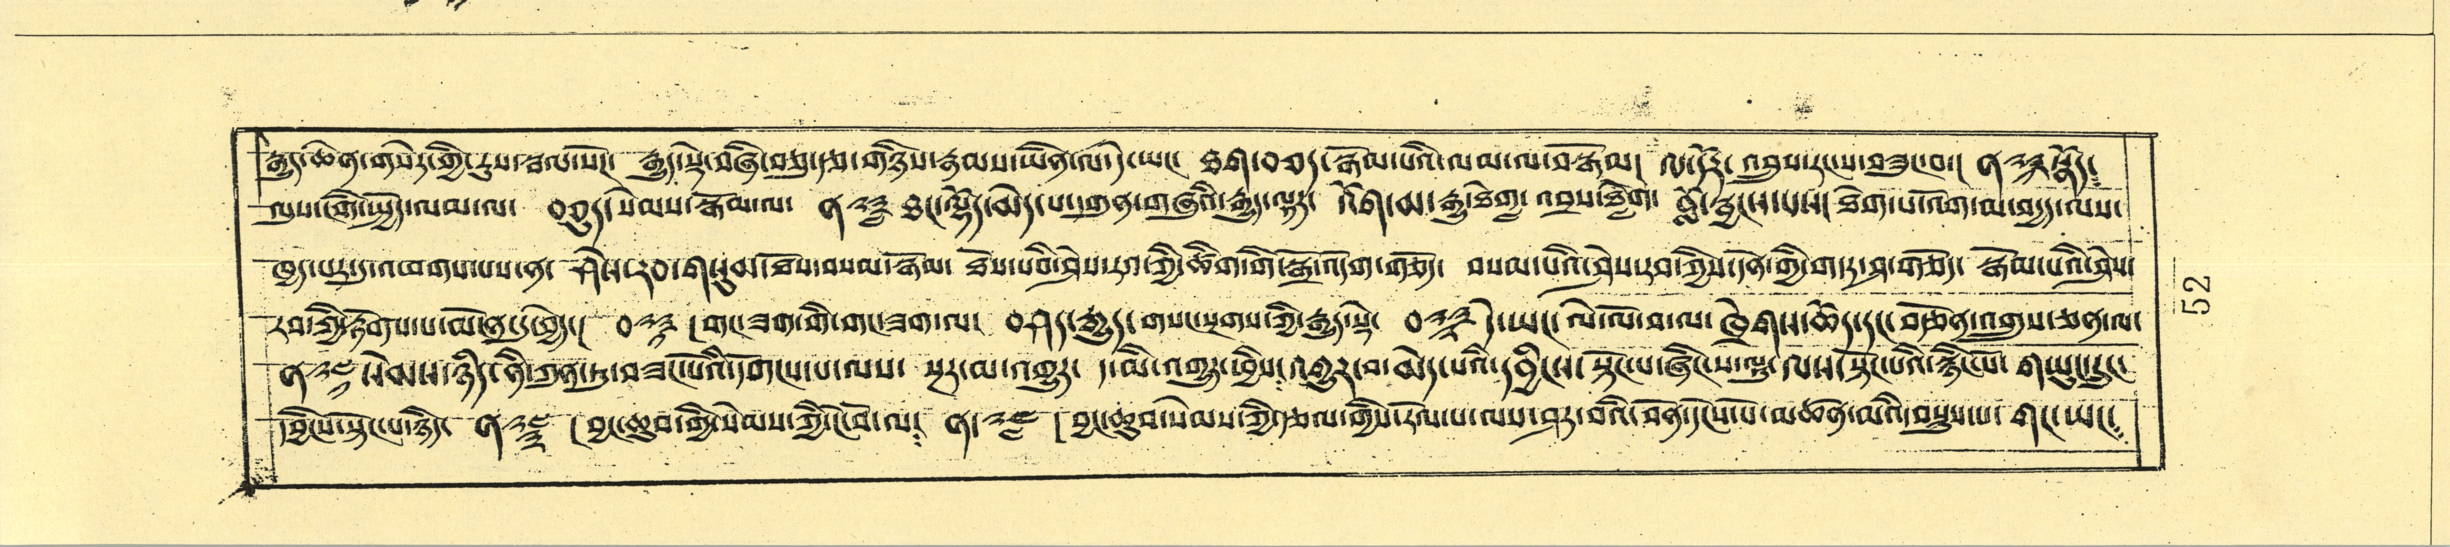རྒྱུད་ཆེན་གསེར་གྱི་རུས་སྦལ་སོགས་རྒྱུད་སྡེ་བཞི་བཅུ་རྩ་གཉིས་རྣམས་ཡིན་ལ་དེ་ཡང་ ཐག་བཅད་སྒོམ་པའི་ལམ་ལ་བསྒོམ་ ལ་དོ་འབྲས་བུ་རང་ས་བཟུང་བ་ ན༡༣།༡སྣོད
ལུས་ངག་གི་སྤྱོད་ལམ་ལ་ བཅུད་སེམས་སྒོམ་ལ་ ན༡༣།༤ཐང་ལྷོད་མེད་པ་དགུན་གཞུའི་རྒྱུད་ལྟར་ འོག་མ་རྒྱུ་ཐེག་བཞི་འབྲས་ཐེག་བཞི་ བློ་སྦྱངས་པས་ཐེག་པ་འོག་མ་བརྒྱད་ལས་
ཁྱད་པར་དུ་འཕགས་པས་ན་ཤེས་རབ་གསུམ་ ཐོས་བསམ་སྒོམ་ཐོས་པའི་ཤེས་རབ་ཀྱིས་ཚིག་གི་སྒྲོ་འདོགས་གཅོད། བསམ་པའི་ཤེས་རབ་ཀྱིས་དོན་གྱི་གདར་ཤ་གཅོད། སྒོམ་པའི་ཤེས་
རབ་ཀྱིས་རྟོགས་པ་མངོན་དུ་བྱེད། བ༢༣།༡ གང་ཟག་གིས་གང་ཟག་ལ་ བཤད་རྒྱུད་གསང་སྔགས་ཀྱི་རྒྱུད་སྡེ་ བ༢༣།༢ དེ་ཡང་ལེ་ལོ་བ་ལ་ཁྲེག་ཆོད་དང་བརྩོན་འགྲུས་ཅན་ལ་
ན༢༤།༡ སེམས་ཉིད་ནི་ཀུན་ཏུ་བཟང་པོའི་དགོངས་པ་ལས། སྔར་མ་འགྱུར། ད་མི་འགྱུར་ཕྱིས་འགྱུར་བ་མེད་པའི་དབྱིངས་སྟོང་པ་ཞིང་ས་ལྟ་བུ་ལས་སྟོང་པའི་སྙིང་པོ་ གཡུང་དྲུང་
དབྱིངས་སྟོང་པ་ཉིད་ ན༢༤།༣ བྱང་ཆུབ་སེམས་ཀྱི་ངོ་བོ་ལ། ན༢༤།༤ བྱང་ཆུབ་སེམས་ཀྱི་རྩལ་གྱིས་རོལ་པ་ལས་ཤར་བའི་བོན་དངོས་པོ་མཚན་མའི་བསྡུས་པ་ གང་ཡང